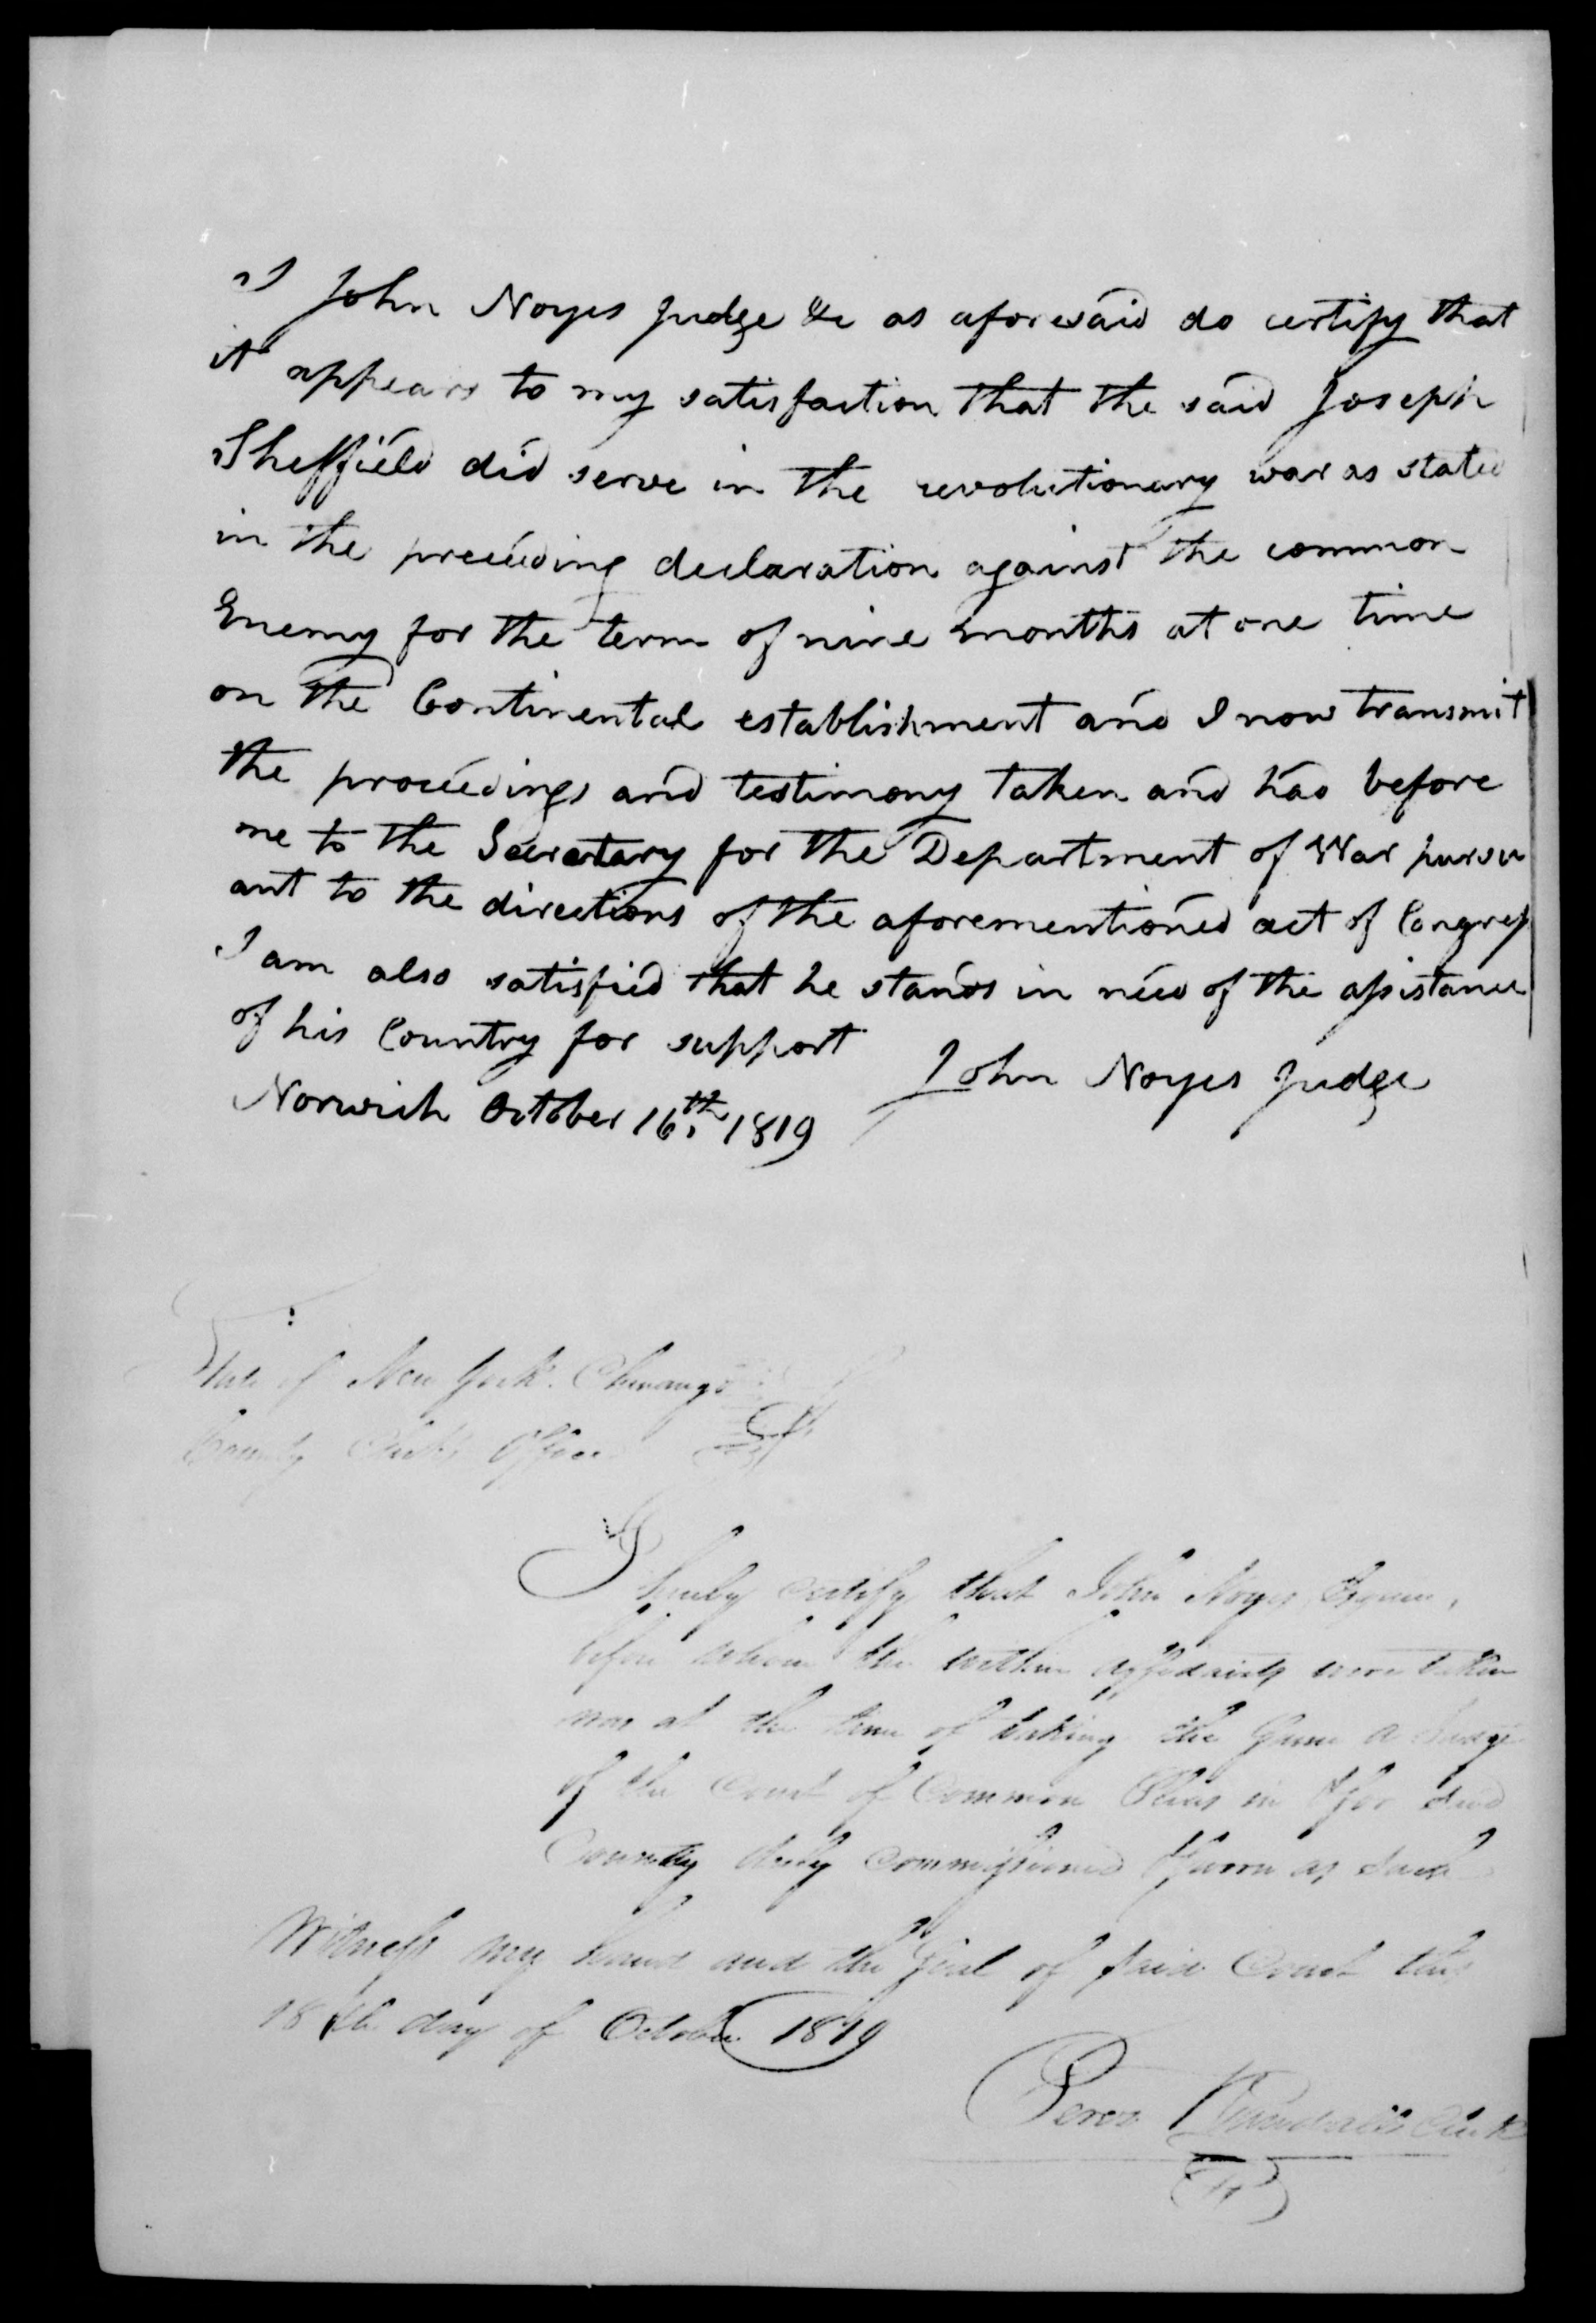I, John Noyes Judge &c as aforesaid do certify that
appears to my satisfaction that the said Joseph
Sheffield did serve in the revolutionary war as stated
in the preceding declaration against the common
enemy for the term of nine months at one time
on the Continental establishment and I now transmit 
the proceedings and testimony taken and had before
me to the Secretary for the Department of War pursuant 
to the directions of the aforementioned act of Congress
I am also satisfied that he stands in need of the assistance
of his country for support
Norwich October 16th 1819 John Noyes Judge

State of New York. Chenango
County Clerk's Office
I hereby certify that John Noyes Esquire, 
before whom the within affidavits were taken
was at the time of taking the same a Judge
of the Court of Common Pleas in and for said
County duly commissioned as one as said

Witness my hand and the seal of said Court this
18th day of October 1879
Perez Randall Clerk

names: John Noyes; Joseph Sheffield; Perez Randall; John Noyes; John Noyes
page: 7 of 25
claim: survivor's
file: S. 42,272, for Joseph Sheffield, Connecticut